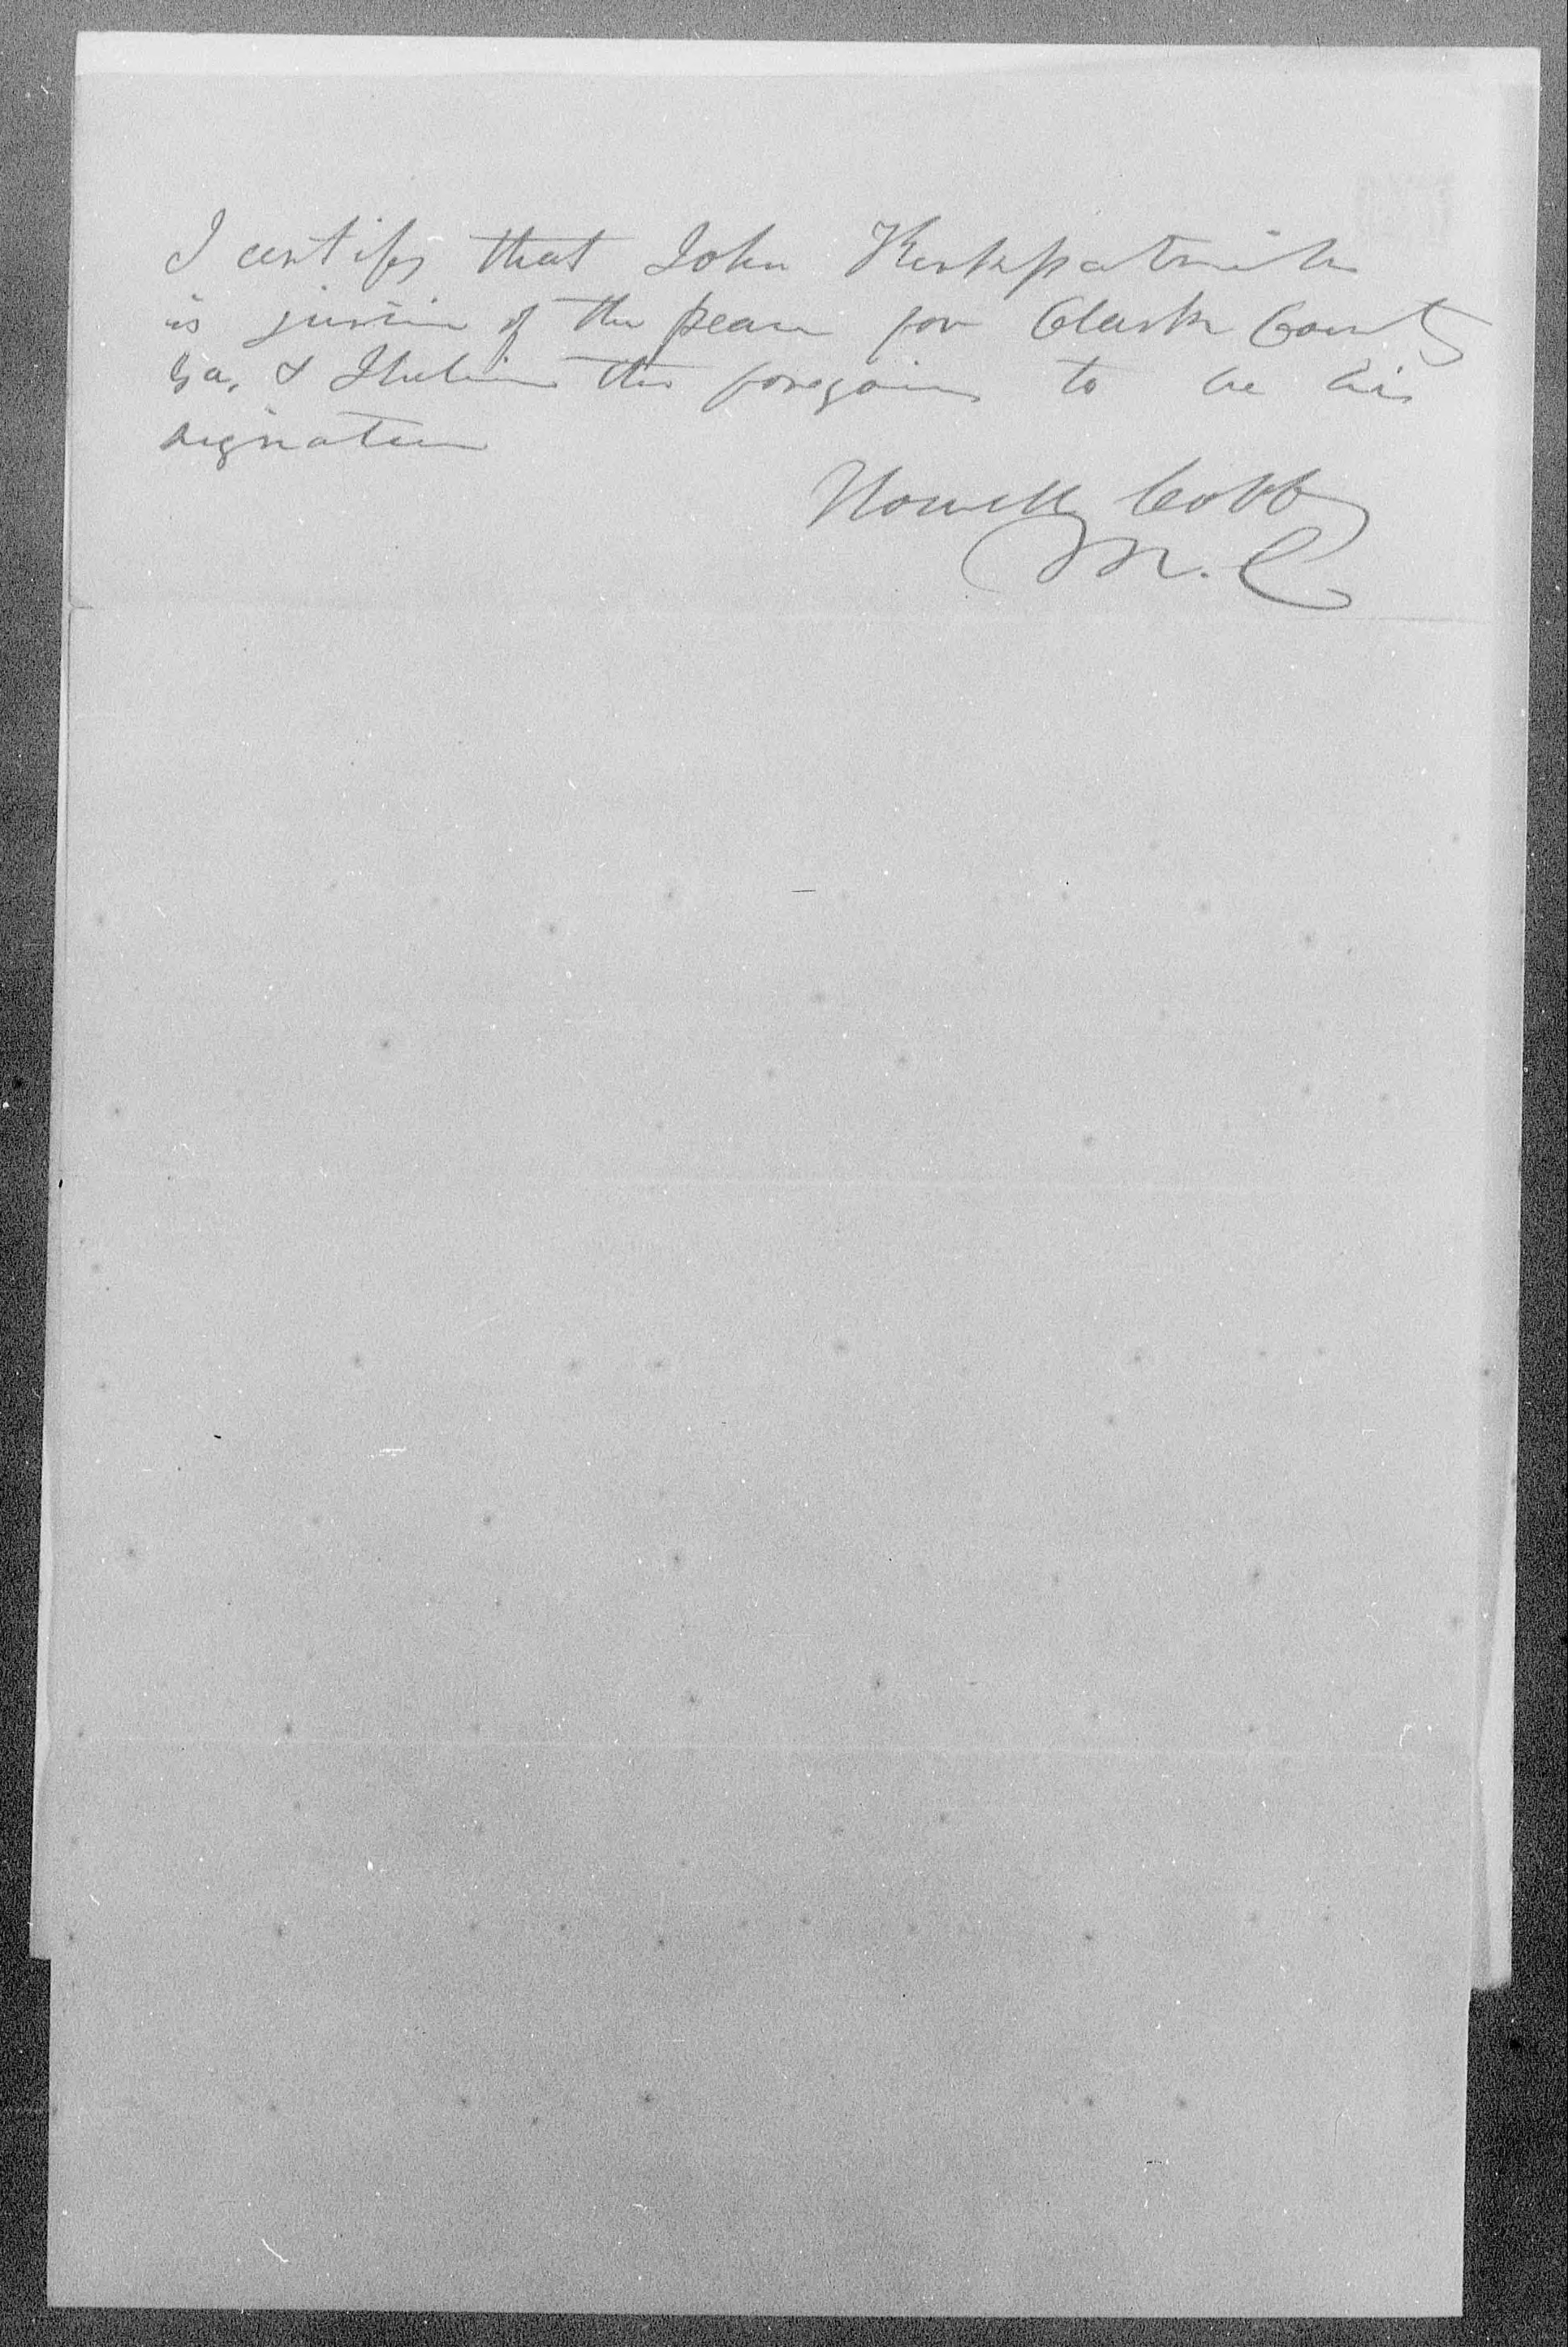I certify that John Kirkpatrick is justice of the peace for Clark County Ga, & I believe the foregoing to be his signature
Howell Cobb
M.C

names: Howell Cobb, John Kirkpatrick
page: 20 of 34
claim: rejected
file: R. 1,738, Walter Carson, N.C. S.C.